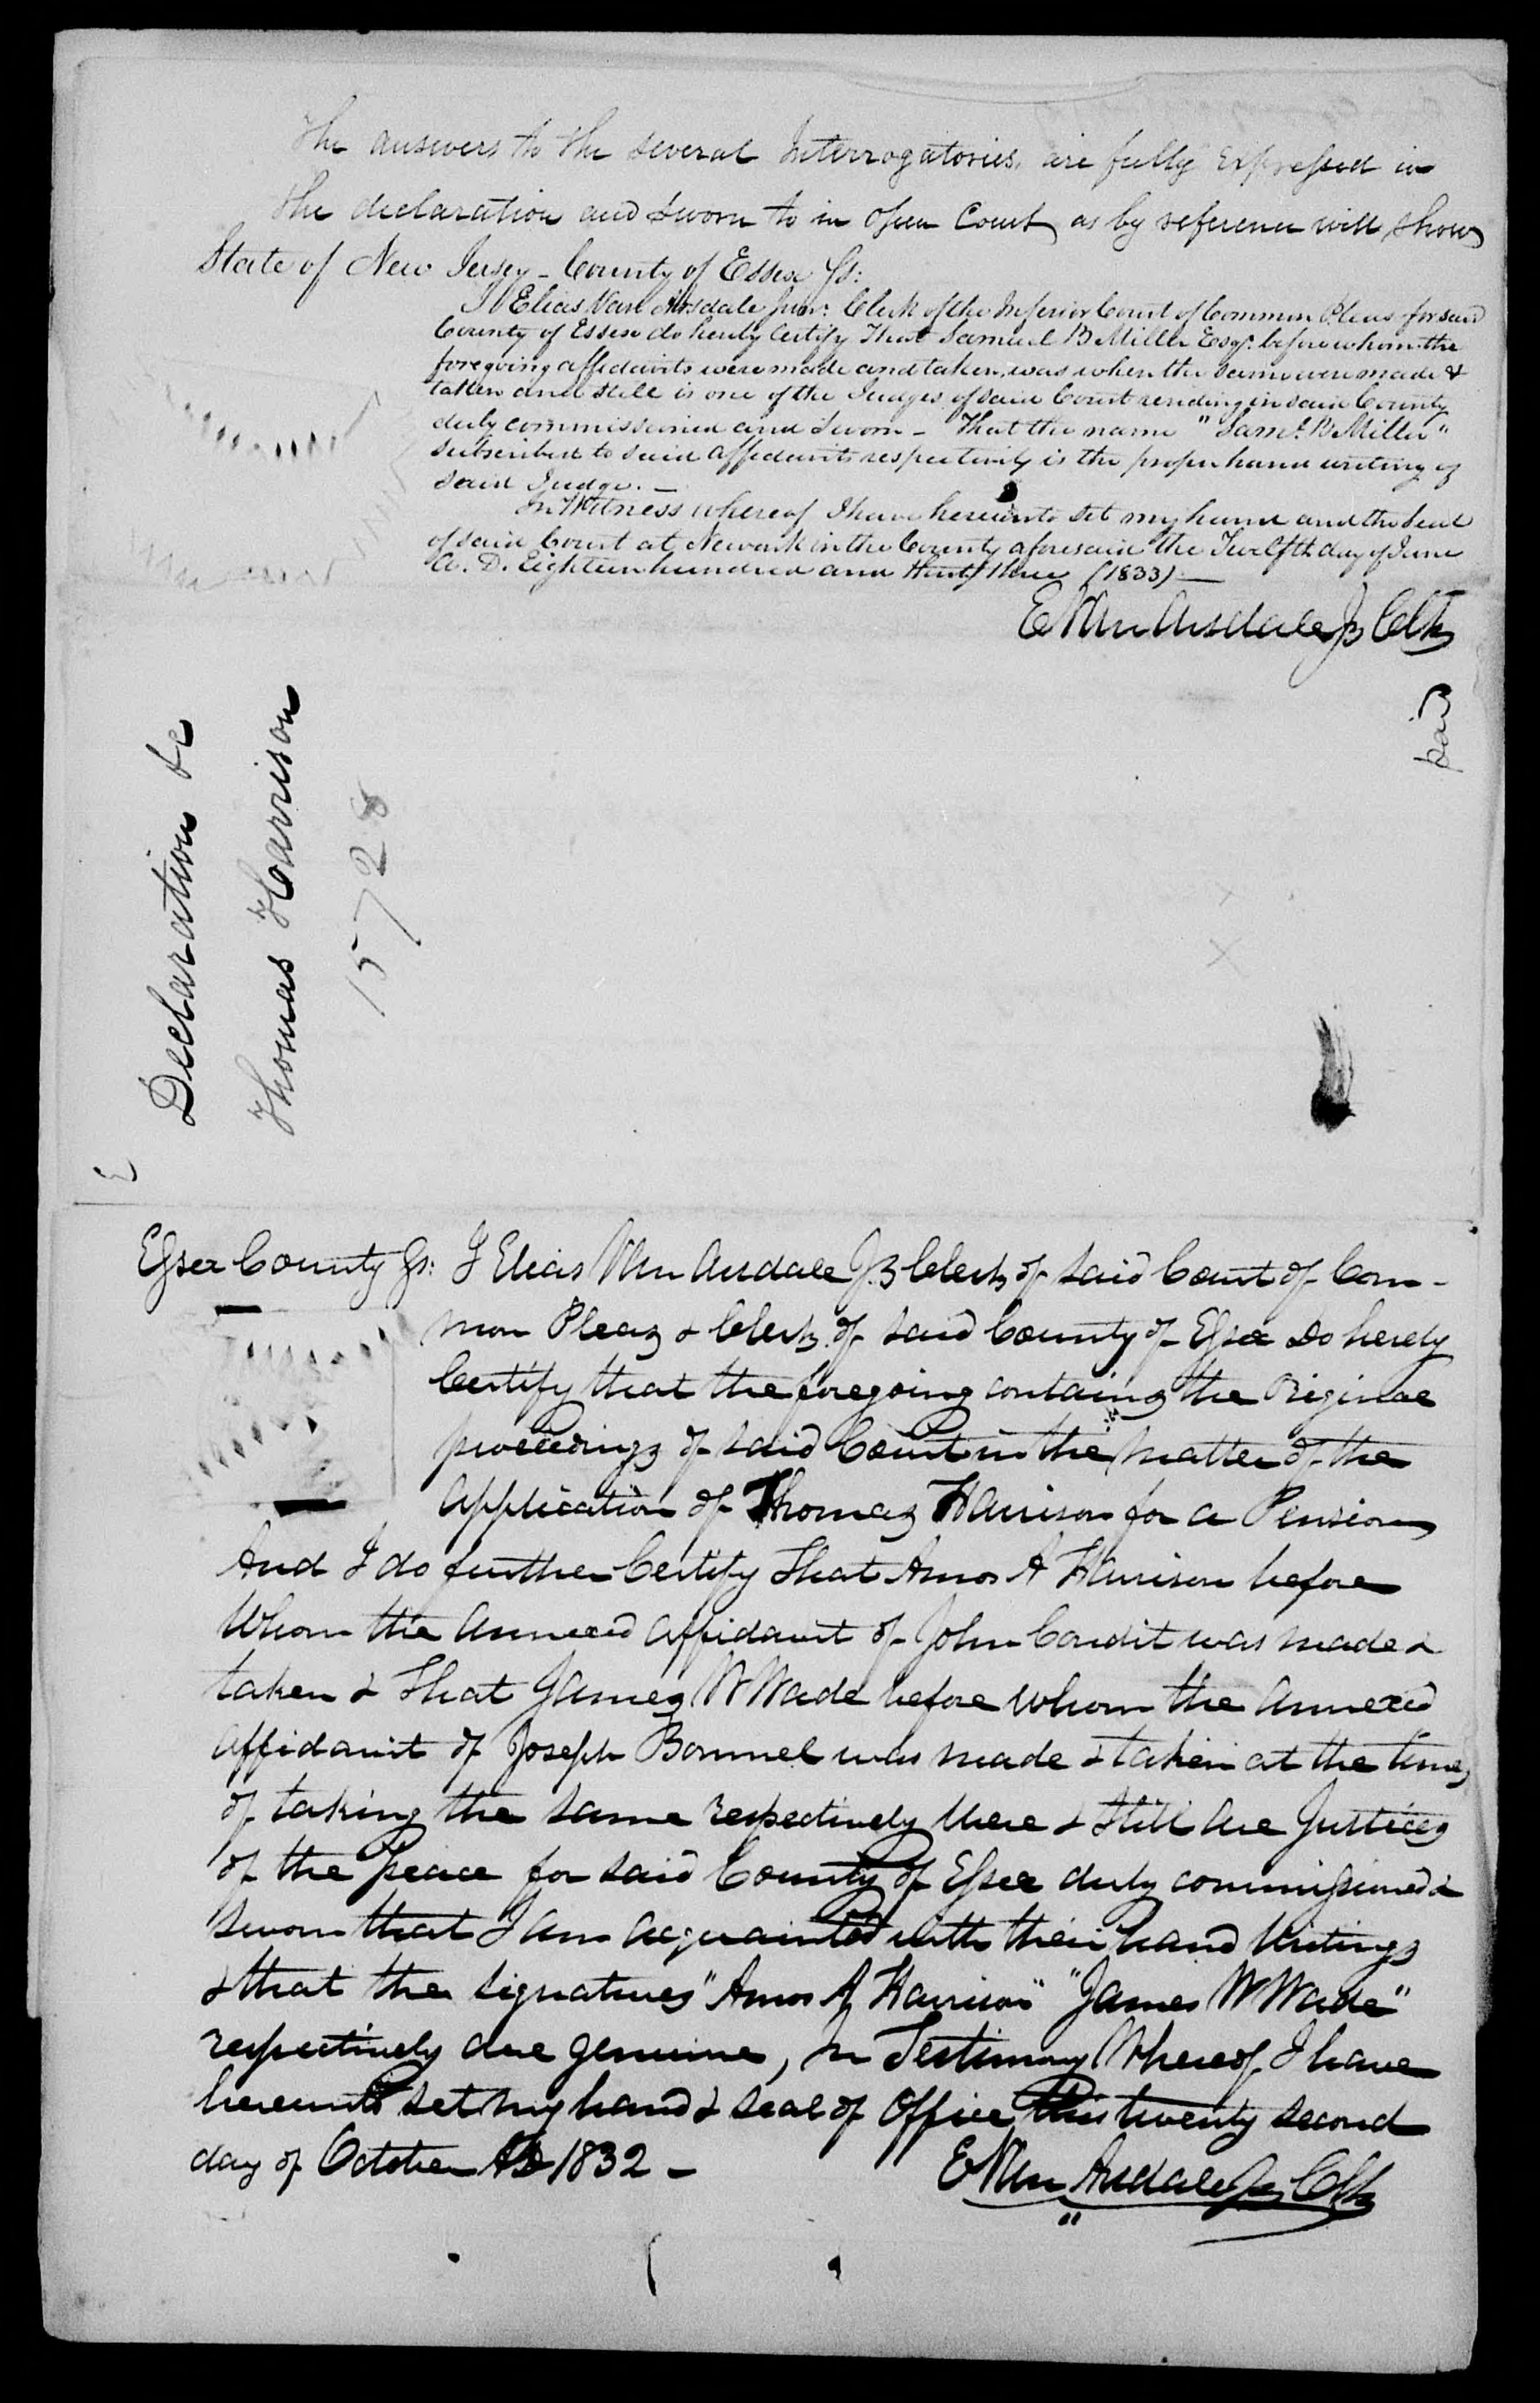The answers to the several interrogations are fully expressed in the declaration and sworn to in open court as by reference will show.

State of New Jersey, County of Essex [illegible]:

I Elias [illegible] Airdale Juror: Clerk of the Inferior Court of Common Pleas for said County of Essex do hereby certify that Samuel B. Miller Esq. before whom the foregoing affidavits were made and taken, was when the same were made & taken and still is one of the Judges of said Court residing in same County duly commissioned and sworn -- that the name "Saml [Samuel] B. Miller" subscribed to said affidavits respectively is the proper hand writing of said Judge.

In witness whereof I have hereunto set my hand and the seal of said Court at Newark in the County aforesaid the Twelfth day of June A. D. Eighteen hundred and thirty three. 1833.

E Wm Airdale, Clerk 

[handwritten word "paid" underneath signature]

Declarations [illegible]
Thomas Harrison
15728

Essex County Jr:  I Elias [illegible] Airdale Jr. Clerk of said Court of Common Pleas & Clerk of said County of Essex do hereby certify that the foregoing contains the original proceedings of said Court in the matter of the application of Thomas Harrison for a pension and I do further certify that Amos A Harrison before whom the [illegible] affidavit of John Condit was made & taken & that James [W Wade?] before whom the [illegible] affidavit of Joseph B[ommel?] was made & taken at the time of taking the same respectively there & [illegible] the Justice of the Pease for said County of Essex duly commissioned & sworn that I am acquainted with their hand writing & that the signatures "Amos A Harrison" "James [M Wade?]" respectively are genuine, in Testimony Whereof I have hereunto set my hand & seal of Office this twenty second day of October A. D. 1832.  E [illegible] Airdale, Clerk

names: James W Wade, Amos A Harrison, James W Wade, Amos A Harrison, Saml B Miller, E Van Arsdale, Samuel B Miller, Thomas Harrison, Thomas Harrison, John Condit, Elias Van Arsdale, E Van Arsdale, Elias Van Arsdale, Joseph Bannel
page: 6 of 15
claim: survivor's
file: S. 883, Thomas Harrison, New Jersey